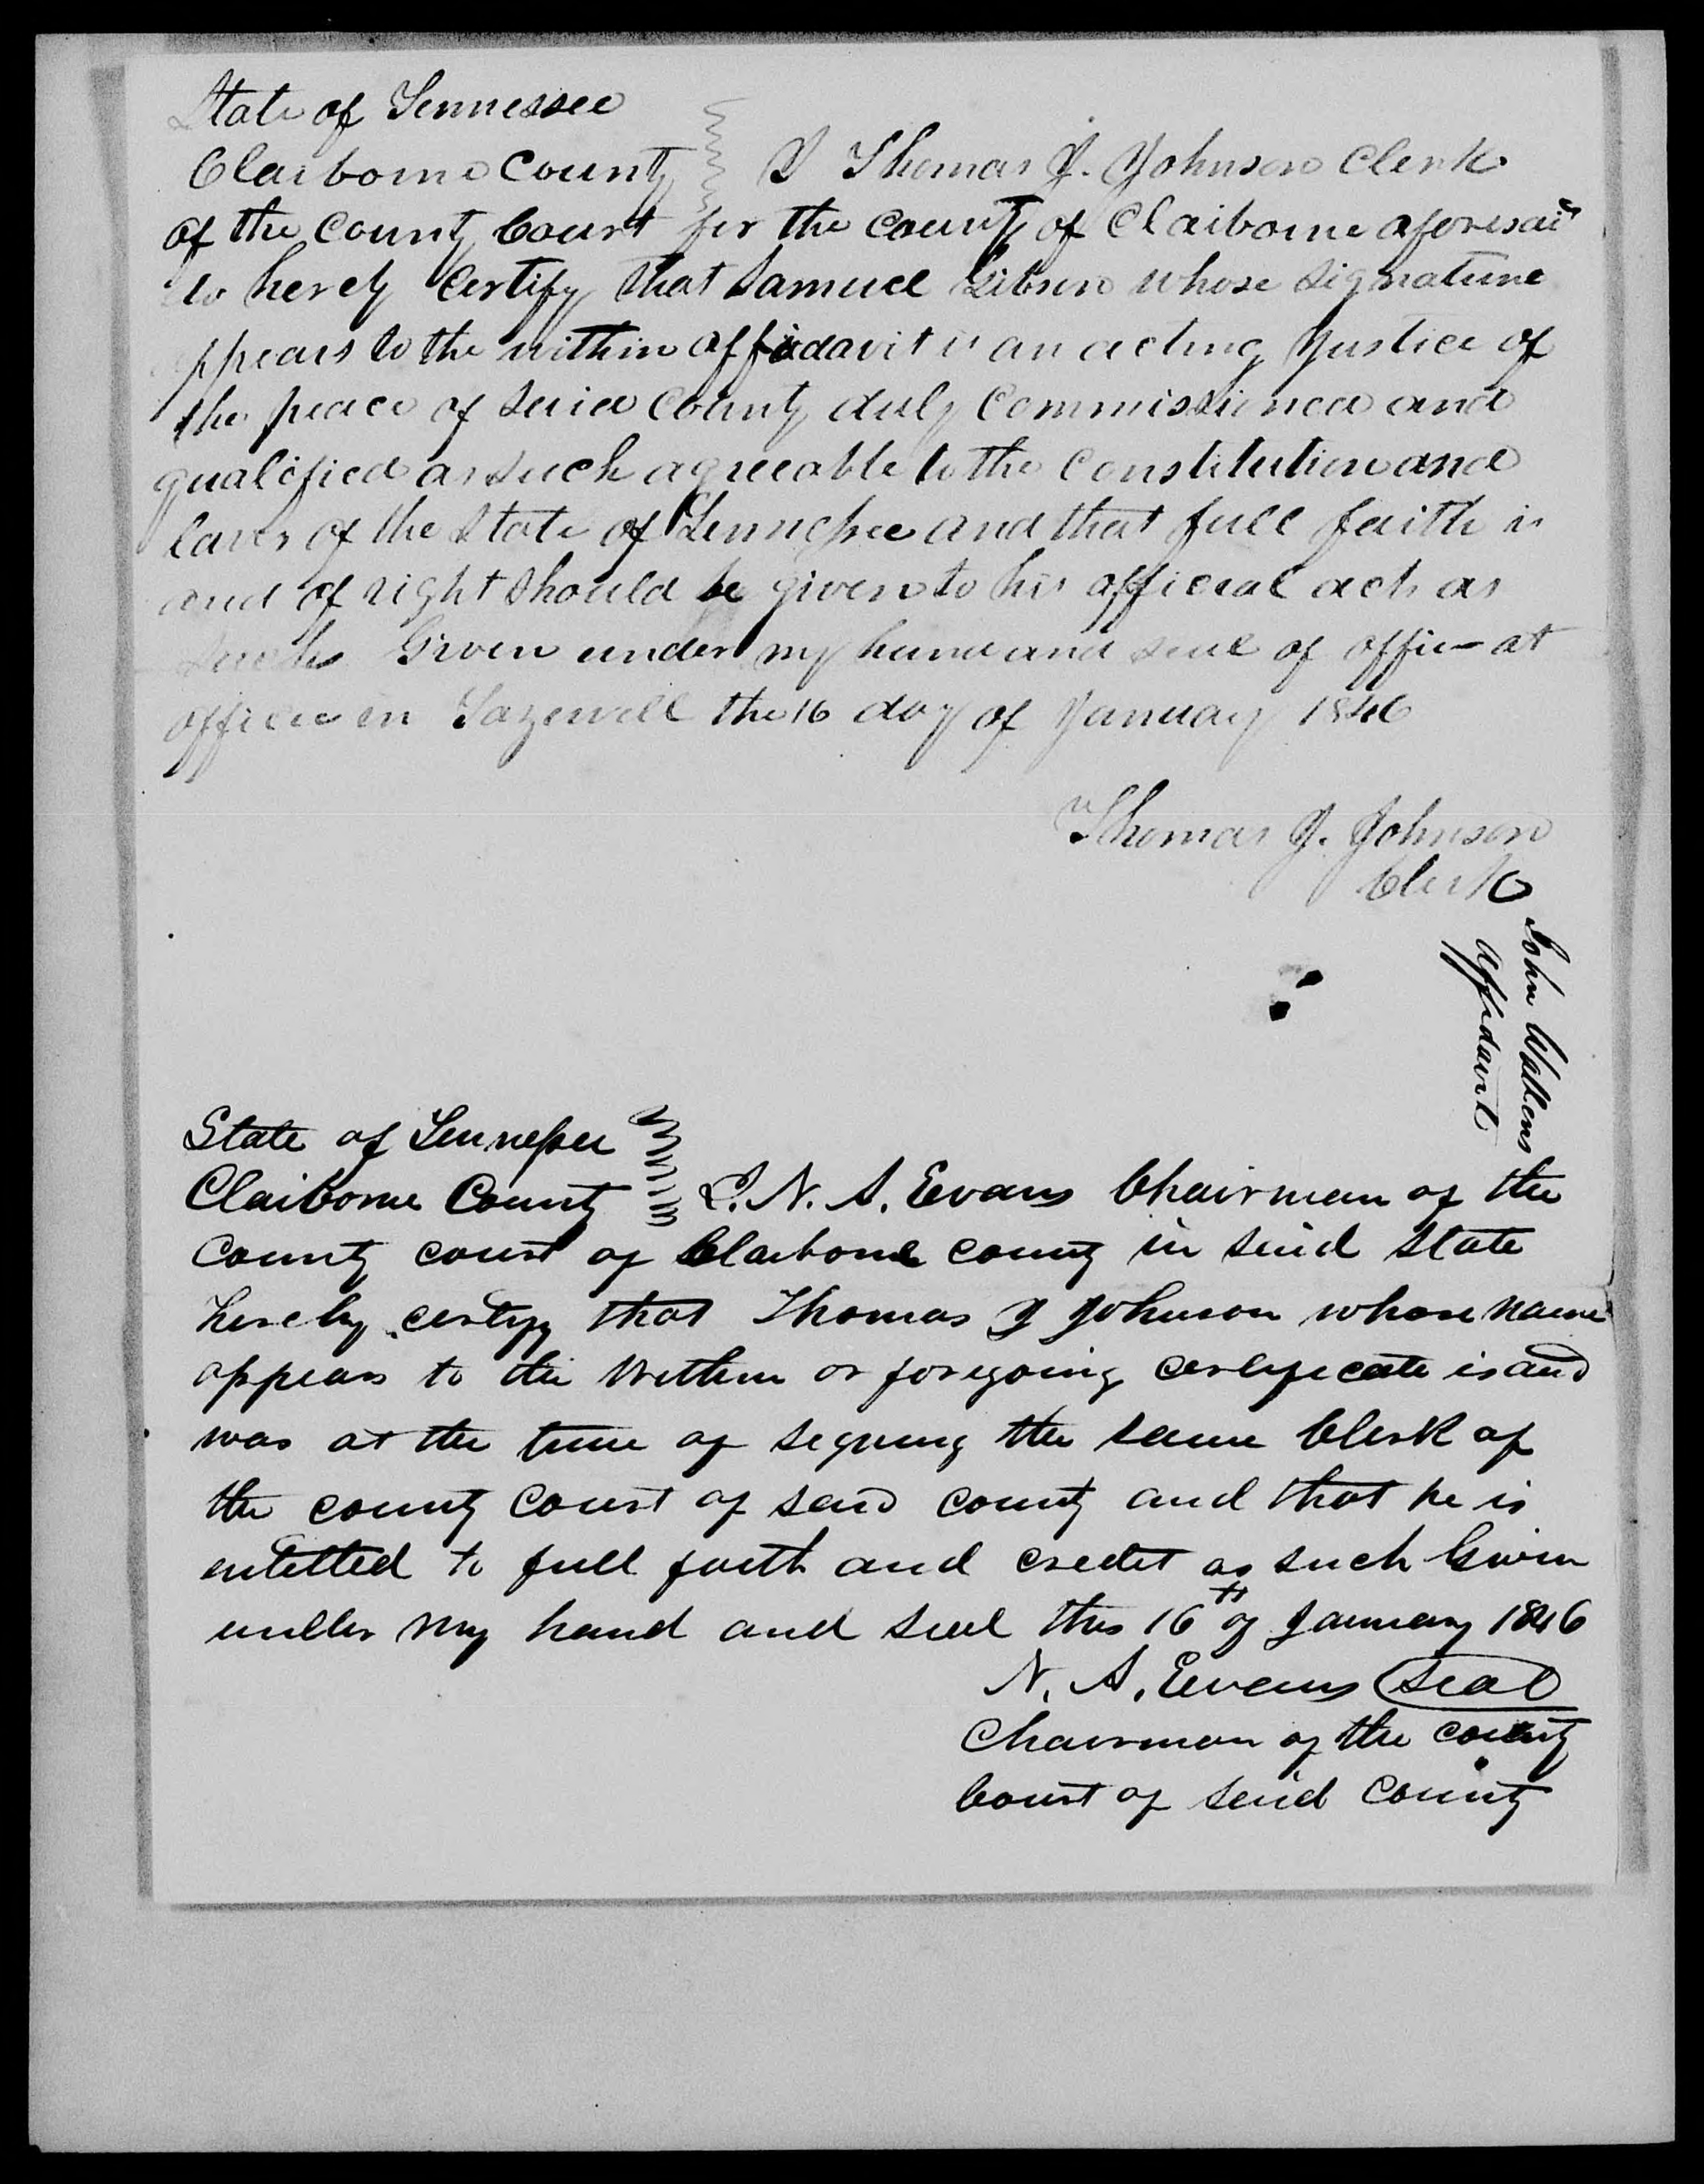State of Tennessee  )
Claiborne County    )
I Thomas J. Johnson Clerk
of the County Court for the County of Claiborne aforesaid
to hereby certify that Samuel Gibson whose signature
appears to the within affidavit is an acting Justice of
the peace of said County duly Commissioned and
qualified as such agreeable to the constitution and
laws of the State of Tennessee and that full faith is
and of right should be given to his official acts as
Such Given under my hand and seal of Office--at
office in Tazewell the 16 day of January 1846
Thomas J. Johnson
Clerk
Affidavit

[following written vertical on right side]
John Wallens
affidavit

State of Tennessee )
Claiborne County   )
I. N. S. Evans Chairman of the
county court of Claiborne County in said State
hereby certify that Thomas J Johnson whose name
appears to the within or foregoing certificate is and
was at the time of signing the same Clerk of
the county court of said county and that he is
entitled to full faith and credit as such Given
under my hand and seal this 16 of January 1846
N.S. Evens (seal)
Chairman of the county
Court of Said County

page: 68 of 120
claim: widow's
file: W. 1044, for Salathiel Martin, North Carolina